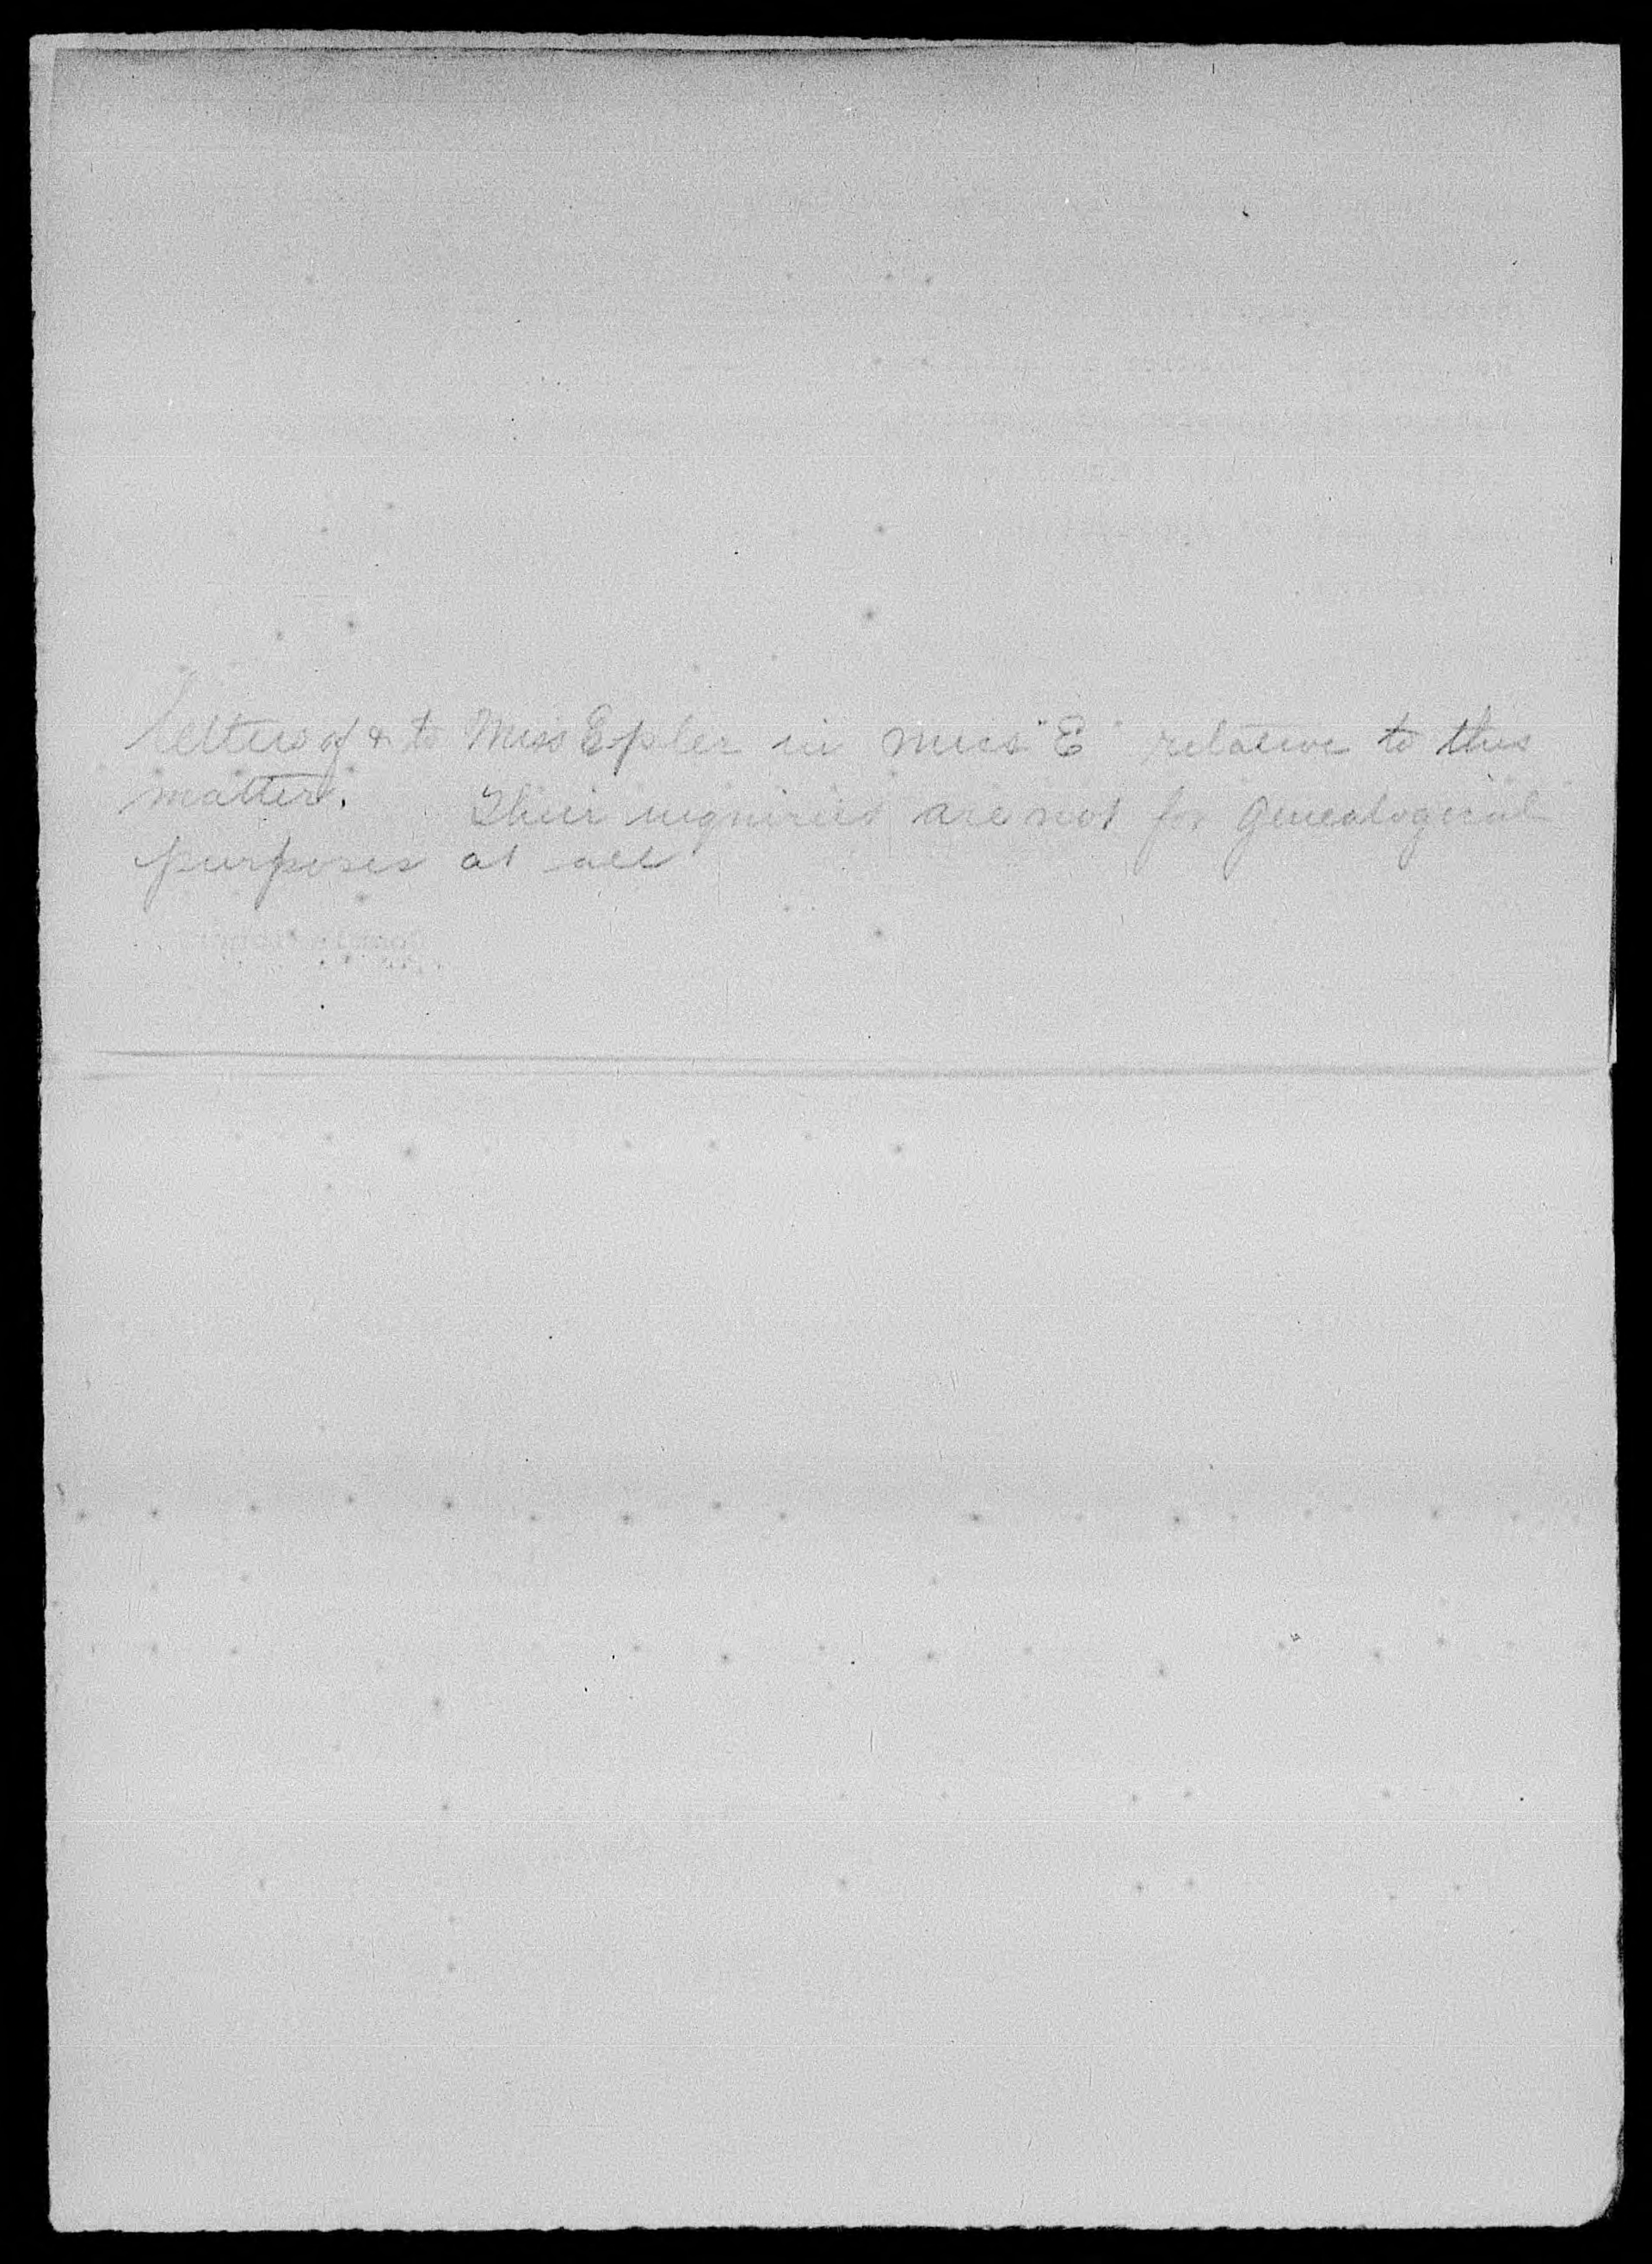letters of & to Miss Epler in misc "E" relative to this
matter.  Their their inquiries are not for genealogical
purposes at all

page: 51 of 56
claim: rejected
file: R 5529, for Samuel Jackson, Virginia